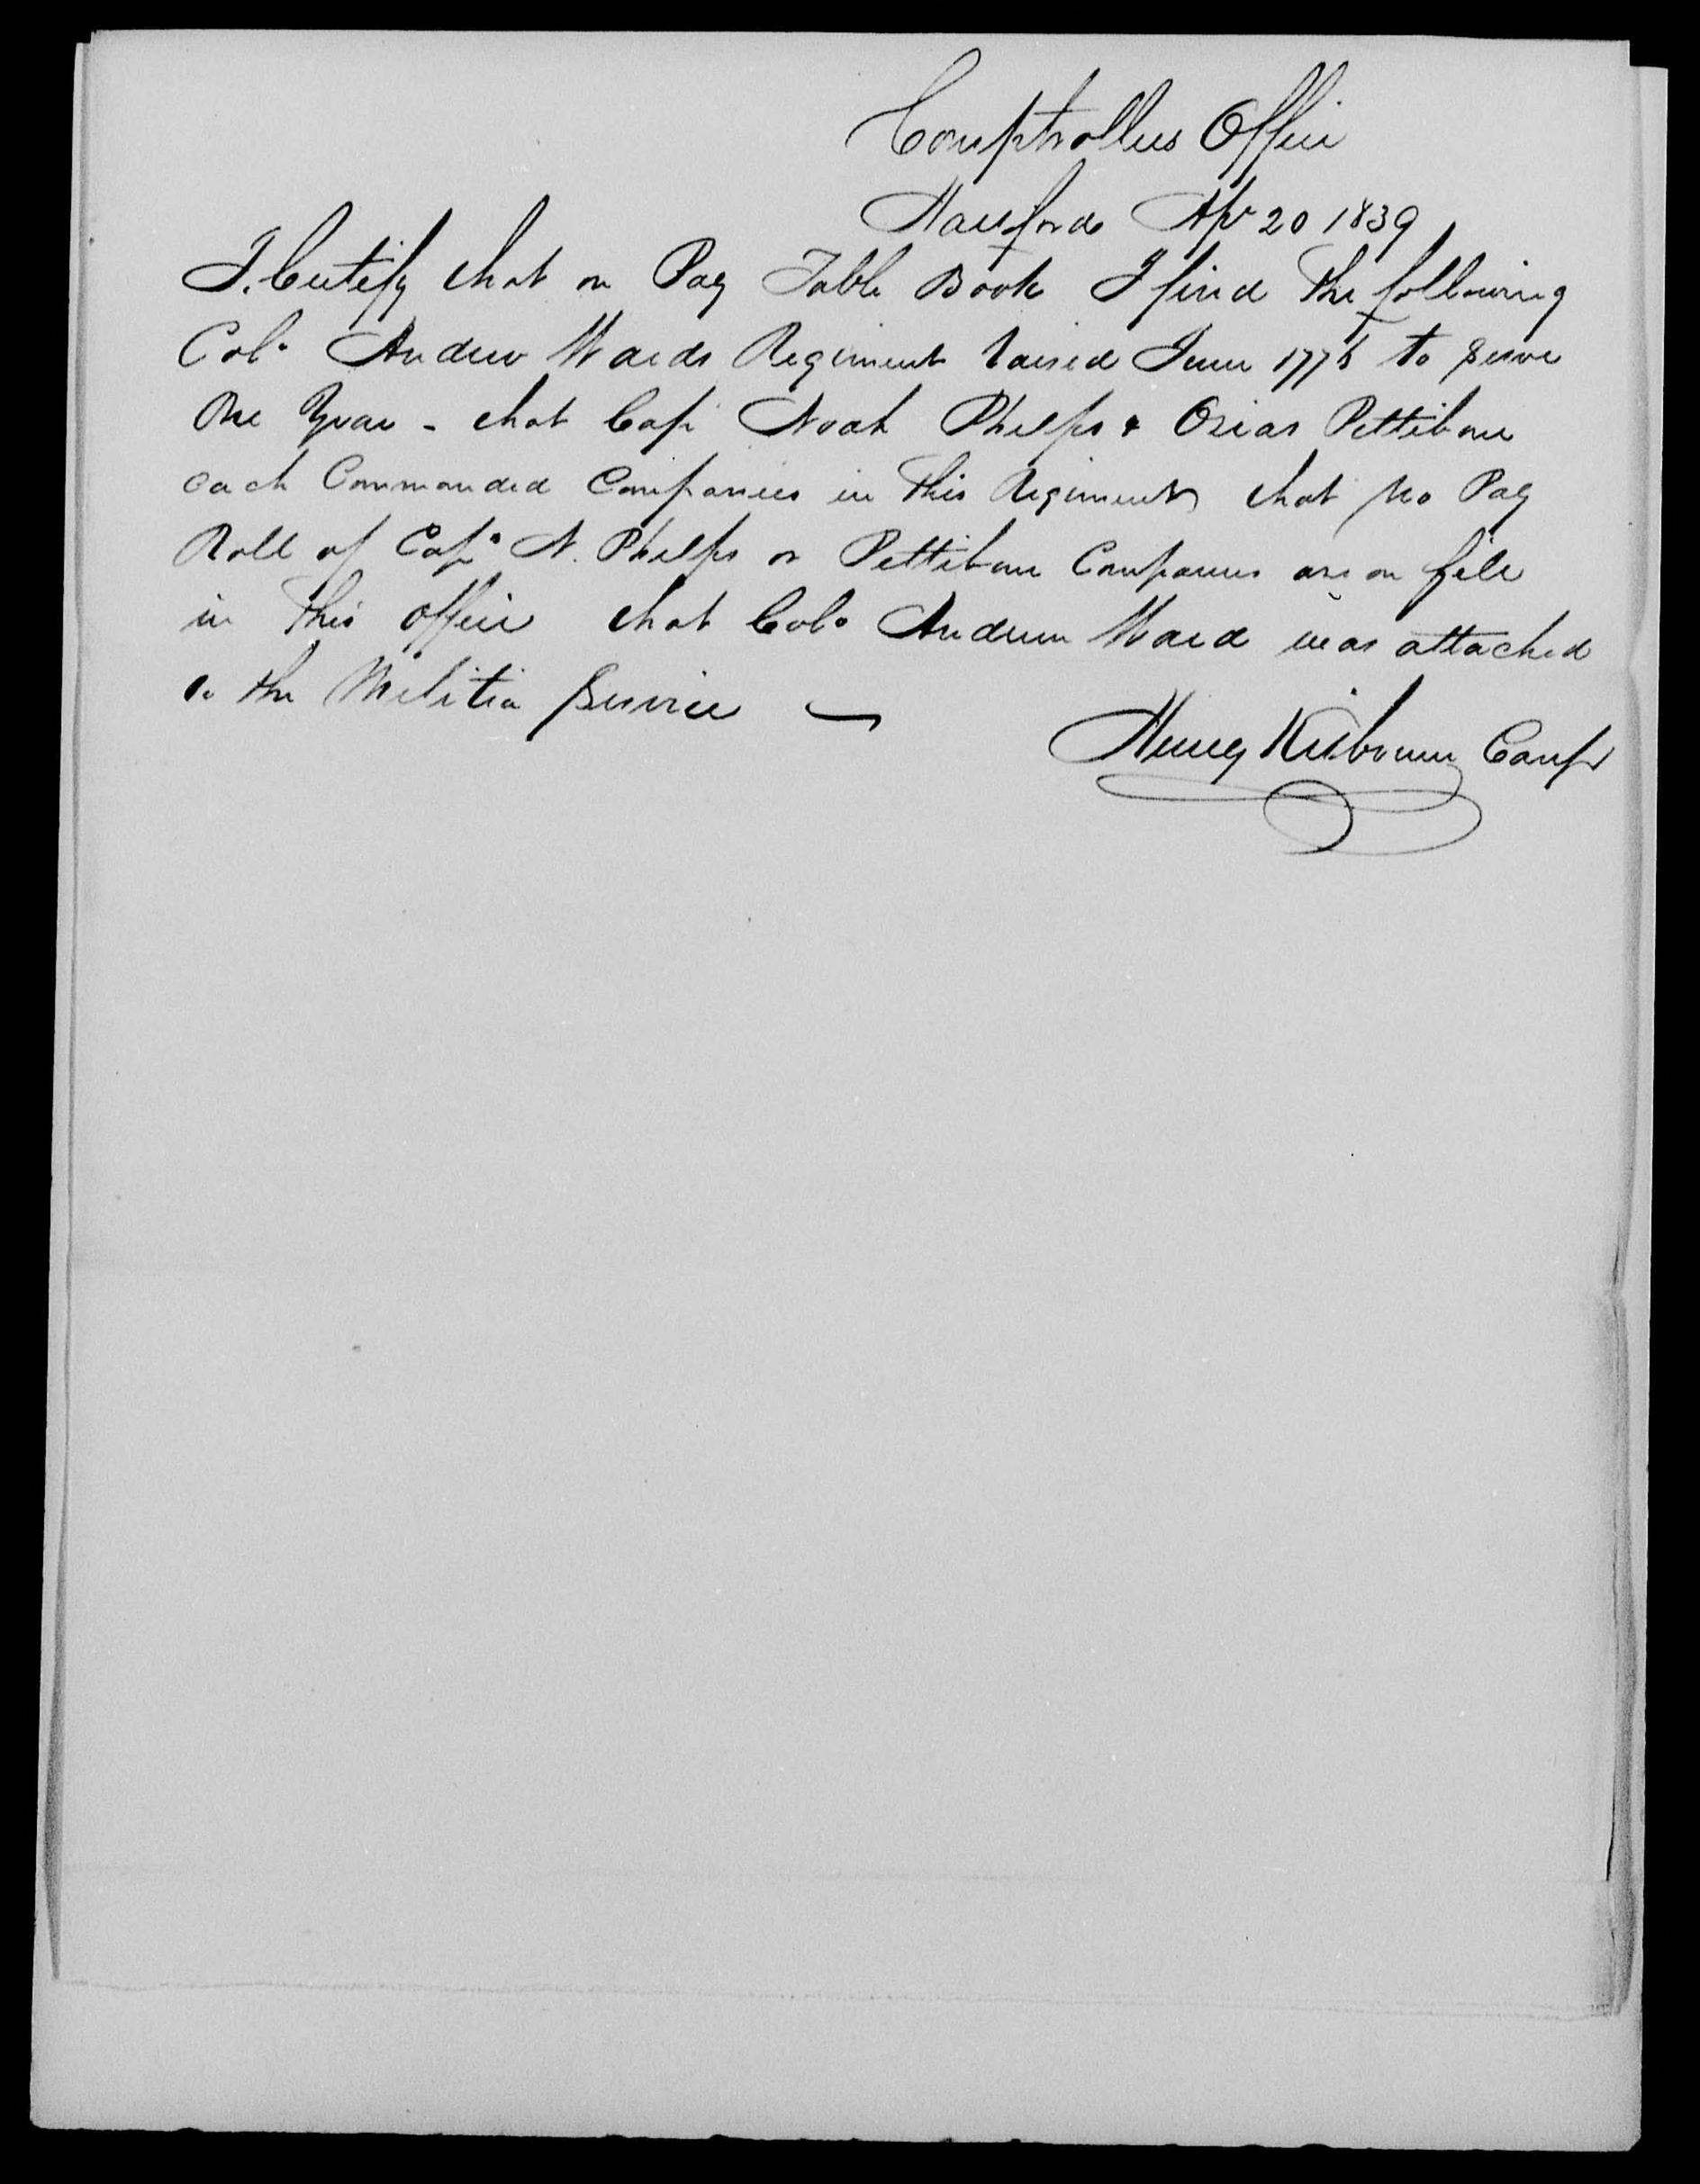[handwritten]

Comptrollers Office 
Hartford Apr 20 1839

I Certify that on Pay Table Book I find the following
Col. Andrew Wards Regiment raised June 1776 to Serve One Year. has Cap. Noah Phelps & Osias Pettibone each Commanded Companies in the Regiment  that no Pay Roll of Capt. N. Phelps or Pettibone Companies are on file in this office  that Col. Andrew Ward was attached to the Military Service. ~
[signed] Henry Kilbourn Compt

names: Osias Pettibone, Andrew Ward, Henry Kilbourn, Noah Phelps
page: 18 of 26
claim: widow's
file: W. 14483, Reuben Clark, Conn.